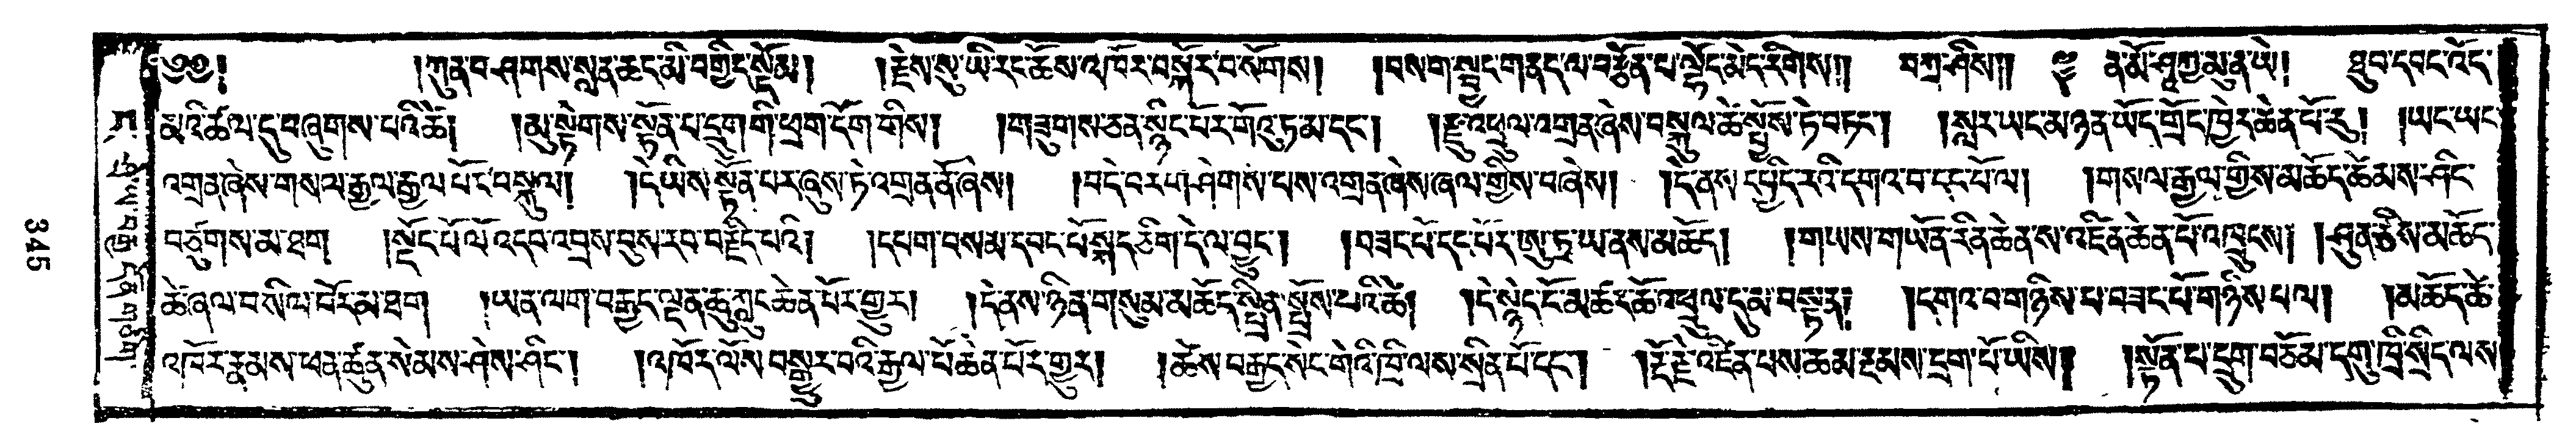༄༅། །ཀུན་བཤགས་སླན་ཆད་མི་བགྱིད་སྡོམ། །རྗེས་སུ་ཡི་རང་ཆོས་འཁོར་བསྐོར་བ་སོགས། །བསག་སྦྱང་གནད་ལ་བརྩོན་པ་ལྷོད་མེད་རིགས། །བཀྲ་ཤིས།། ༈ ན་མོ་ཤཱཀྱ་མུ་ན་ཡེ། ཐུབ་དབང་འོད་
མའི་ཚལ་དུ་བཞུགས་པའི་ཚེ། །མུ་སྟེགས་སྟོན་པ་དྲུག་གི་ཕྲག་དོག་གིས། །གཟུགས་ཅན་སྙིང་པོར་གོའུ་ཏ་མ་དང་། །རྫུ་འཕྲུལ་འགྲན་ཞེས་བསྐུལ་ཚེ་སྤྱོས་ཏེ་བཏང་། །སླར་ཡང་མཉན་ཡོད་གྲོང་ཁྱེར་ཆེན་པོ་རུ། །ཡང་ཡང་
འགྲན་ཞེས་གསལ་རྒྱལ་རྒྱལ་པོར་བསྐུལ། །དེ་ཡིས་སྟོན་པར་ཞུགས་ཏེ་འགྲན་ནོ་ཞེས། །བདེ་བར་གཤེགས་པས་འགྲན་ཞེས་ཞལ་གྱིས་བཞེས། །དེ་ནས་དཔྱིད་རའི་དགའ་བ་དང་པོ་ལ། །གསལ་རྒྱལ་གྱིས་མཆོད་ཚེམས་ཤིང་
བཙུགས་མ་ཐག །སྡོང་པོ་ལོ་འདབ་འབྲས་བུས་རབ་བརྗིད་པའི། །དཔག་བསམ་དབང་པོ་སྐད་ཅིག་དེ་ལ་བྱུང་། །བཟང་པོ་དང་པོར་ཨུ་ཏྲ་ཡ་ནས་མཆོད། །གཡས་གཡོན་རིན་ཆེ་ས་འཛིན་ཆེན་པོ་འཁྲུངས། །ཤུན་ཙིས་མཆོད་
ཚེ་ཞལ་བསིལ་བོར་མ་ཐག །ཡན་ལག་བརྒྱད་ལྡན་ཆུ་ཀླུང་ཆེན་པོར་གྱུར། །དེ་ནས་ཉིན་གསུམ་མཆོད་སྤྲིན་སྤྲོས་པའི་ཚེ། །དེ་སྙེད་ངོ་མཚར་ཆོ་འཕྲུལ་དུ་མ་བསྟན། །དགའ་བ་གཉིས་པ་བཟང་པོ་གཉིས་པ་ལ། །མཆོད་ཚེ་
འཁོར་རྣམས་ཕན་ཚུན་སེམས་ཤེས་ཤིང་། །འཁོར་ལོས་བསྒྱུར་བའི་རྒྱལ་པོ་ཆེན་པོར་གྱུར། །ཚེས་བརྒྱད་སེང་གེའི་ཁྲི་ལས་སྲིན་པོ་དང་། །རྡོ་རྗེ་འཛིན་པས་ཆམ་རྔམས་དྲག་པོ་ཡིས། །སྟོན་པ་དྲུག་བཅོམ་དགུ་ཁྲི་སྲིད་ལས་